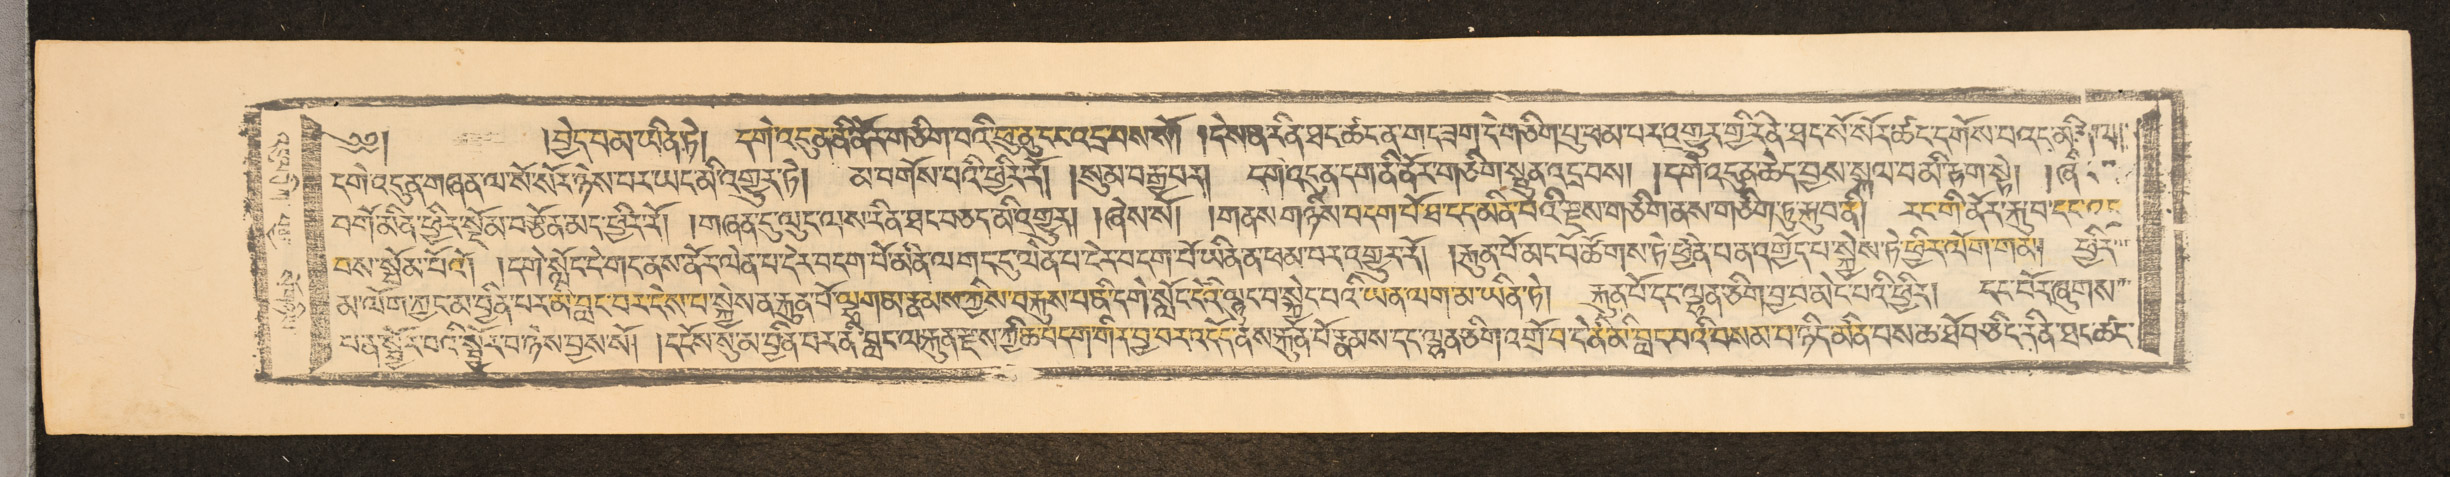༄༅། །བྱེད་པ་མ་ཡིན་ཏེ། དགེ་འདུན་ནི་ནོར་གཅིག་པའི་ཕུ་ནུ་དང་འདྲ་བས་སོ། །དེས་ན་རིན་ཐང་ཚང་ན་གང་ཟག་དེ་གཅིག་པུ་ཕམ་པར་འགྱུར་གྱི་རིན་ཐང་སོ་སོར་ཚང་དགོས་པའང་མིན་ལ།
དགེ་འདུན་གཞན་ལ་སོ་སོར་ཉེས་པར་ཡང་མི་འགྱུར་ཏེ། མ་བགོས་པའི་ཕྱིར་རོ། །སུམ་བརྒྱ་པར། དགེ་འདུན་དག་ནི་ནོར་གཅིག་སྤུན་འདྲ་བས། །དགེ་འདུན་ཆེད་བྱས་སྐལ་བ་མི་རྟག་སྟེ། །ཞིང་
བགོ་མིན་ཕྱིར་སྡོམ་བརྩོན་མང་ཕྱིར་རོ། །གཞན་དུ་ལུང་ལས་རིན་ཐང་བཅད་མི་འགྱུར། །ཞེས་སོ། །གནས་གཉིས་བདག་པོ་ཐ་དད་མིན་པའི་རྫས་གཅིག་ནས་གཅིག་ཏུ་རྐུ་བ་ནི། རང་གི་ནོར་རྐུ་བ་དང་འདྲ་
བས་སྦོམ་པོའོ། །དགེ་སློང་དེ་གང་ནས་ནོར་ལེན་པ་དེར་བདག་པོ་མིན་ལ་གང་དུ་ལེན་པ་དེར་བདག་པོ་ཡིན་ན་ཕམ་པར་འགྱུར་རོ། །རྐུན་པོ་མང་པོ་ཚོགས་ཏེ་ཕྱིན་པ་ན་འགྱོད་པ་སྐྱེས་ཏེ་ཕྱིར་ལོག་གམ། ཕྱིར་
མ་ལོག་ཀྱང་མ་བྱིན་པར་མི་བླང་བར་དེས་བ་སྐྱེས་ན་རྐུན་པོ་ལྷག་མ་རྣམས་ཀྱིས་བརྐུས་པ་ནི་དགེ་སློང་དེའི་ལྟུང་བ་སྐྱེད་པའི་ཡན་ལག་མ་ཡིན་ཏེ། རྐུན་པོ་དང་ལྷན་ཅིག་བྱ་བ་མེད་པའི་ཕྱིར། དང་པོར་ཞུགས་
པ་ན་སྦྱོར་བའི་སྦྱོར་བ་ཉེས་བྱས་སོ། །དངོས་སུམ་བྱིན་པར་ནི་བླང་ལ་རྐུན་རྫས་ཀྱི་ཆ་བདག་གིར་བྱ་བར་འདོད་ནས་རྐུན་པོ་རྣམས་དང་ལྷན་ཅིག་འགྲོ་བ་དེ་ནི་མི་བླང་བའི་བསམ་པ་ཉིད་མིན་པས་ཆ་ཐོབ་ཅིང་རིན་ཐང་ཚང་